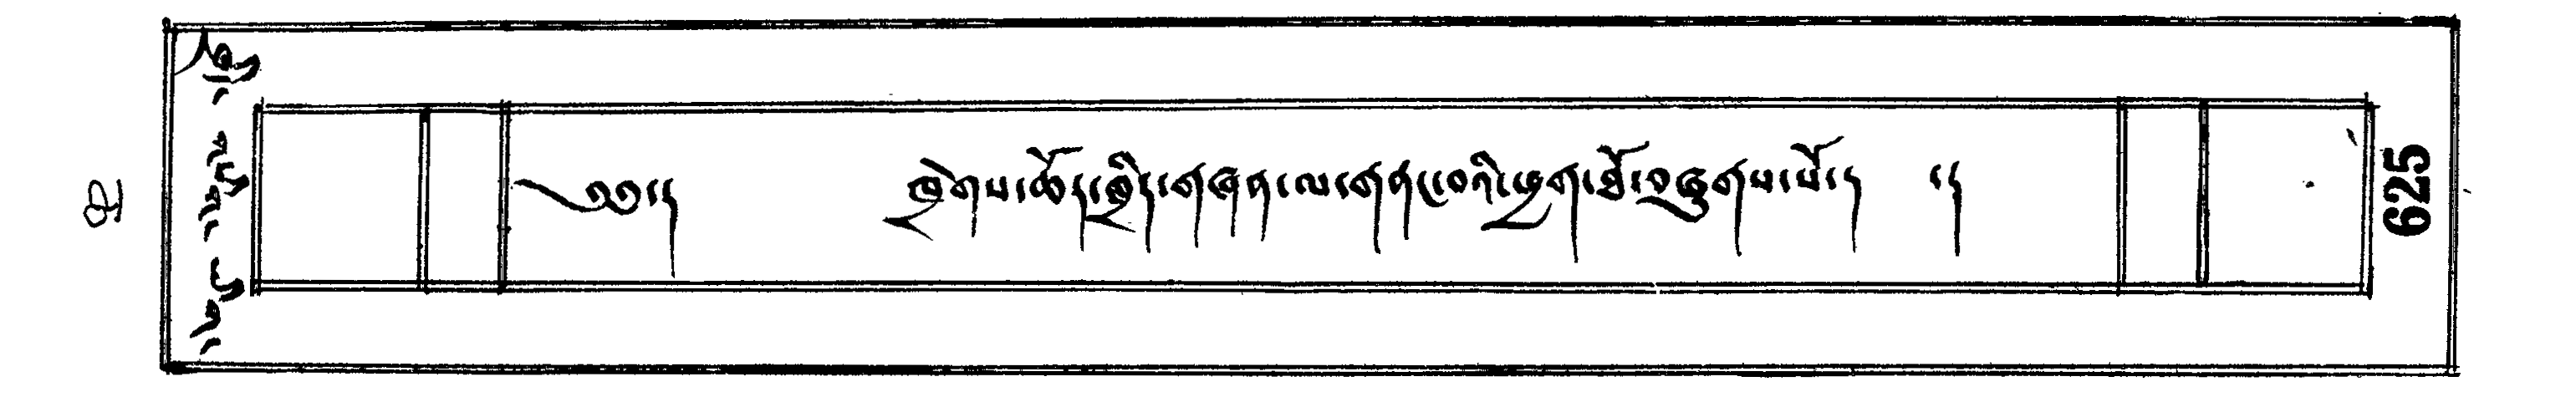༄༅། ཁྲེགས་ཆོད་ཁྲིད་གཞན་ལ་གནང་བའི་ཕྱག་ཐོ་བཞུགས་སོ།།